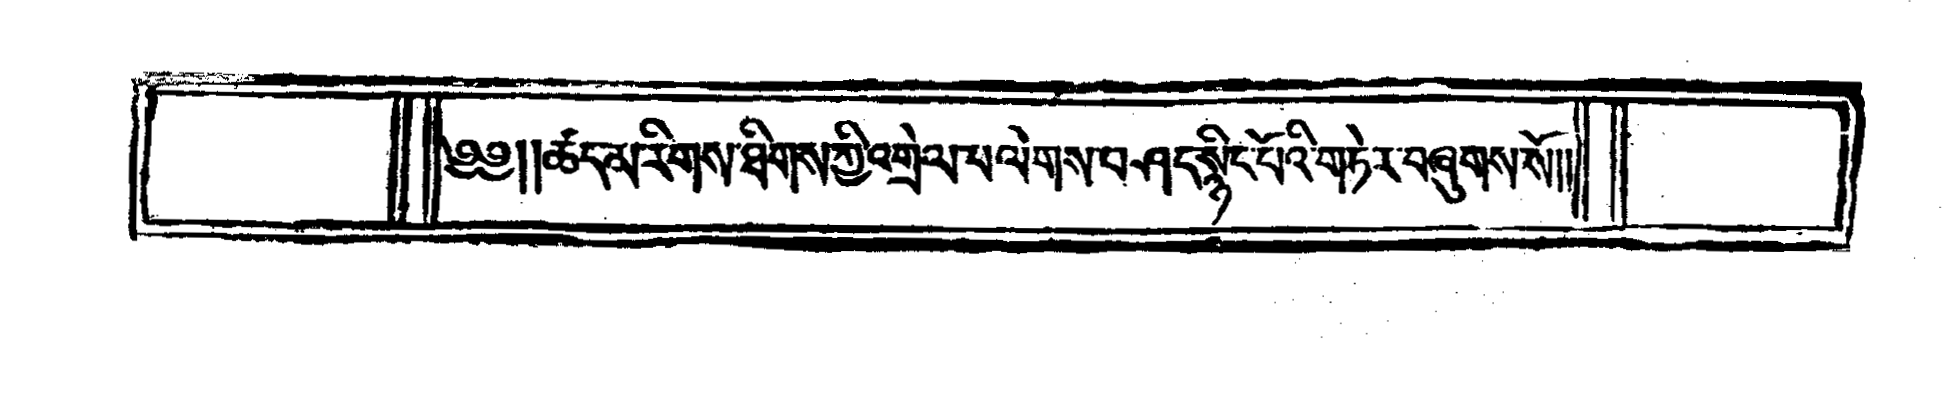༄༅། །ཚད་མ་རིགས་ཐིགས་ཀྱི་འགྲེལ་པ་ལེགས་བཤད་སྙིང་པོའི་གཏེར་བཞུགས་སོ། །